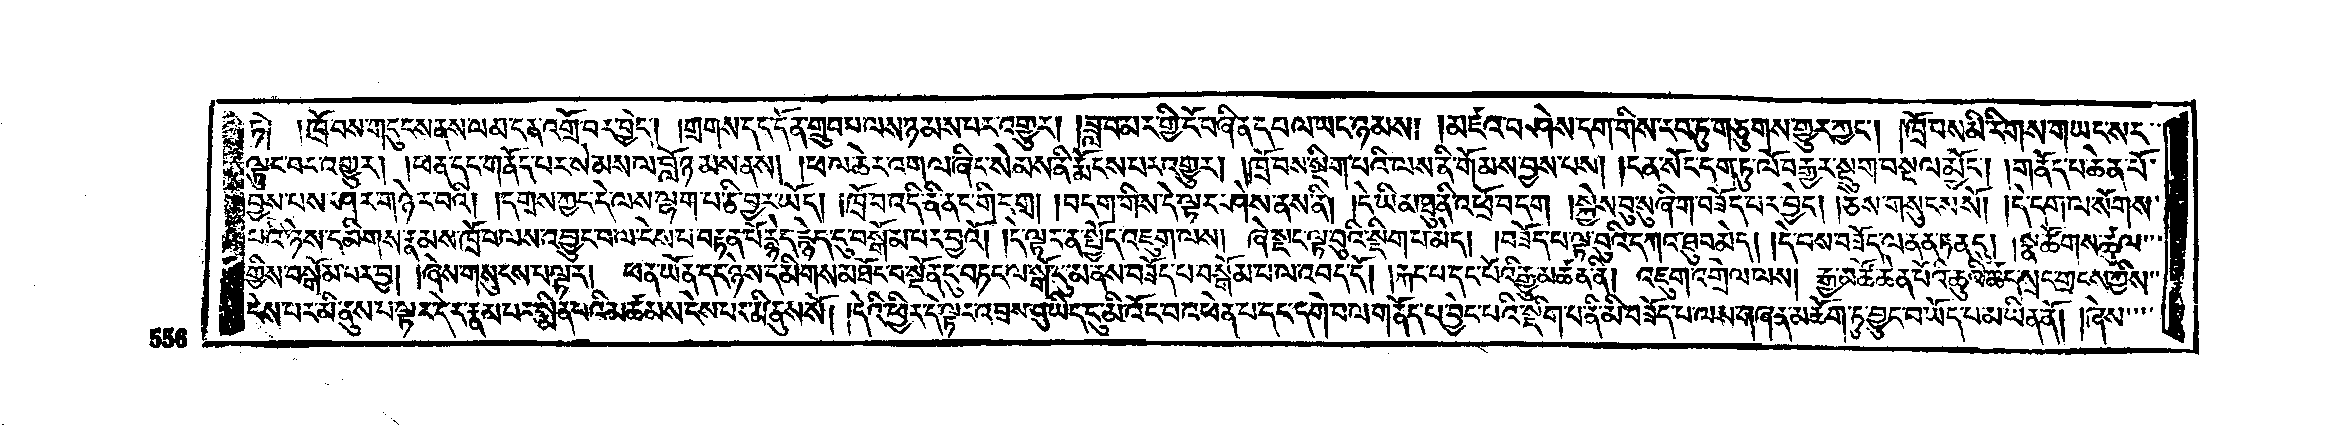ཏེ༑ ༑ཁྲོ་བས་གདུངས་ནས་ལམ་ངན་འགྲོ་བར་བྱེད། །གྲགས་དང་དོན་གྲུབ་པ་ལས་ཉམས་པར་འགྱུར། །ཟླ་བ་མར་གྱི་ངོ་བཞིན་དཔལ་ཡང་ཉམས། །མཛའ་བཤེས་དག་གིས་རབ་ཏུ་གཅུགས་གྱུར་ཀྱང་། །ཁྲོ་བས་མི་རིགས་གཡང་སར་
ལྟུང་བར་འགྱུར། །ཕན་དང་གནོད་པར་སེམས་ལ་བློ་ཉམས་ནས། །ཕལ་ཆེར་འགལ་ཞིང་སེམས་ནི་རྨོངས་པར་འགྱུར། །ཁྲོ་བས་སྡིག་པའི་ལས་ནི་གོམས་བྱས་པས། །ངན་སོང་དག་ཏུ་ལོ་བརྒྱར་སྡུག་བསྔལ་མྱོང་། །གནོད་པ་ཆེན་པོ་
བྱས་པས་ཤར་གཉེར་བའི། །དགྲས་ཀྱང་དེ་ལས་ལྷག་པ་ཅི་བྱར་ཡོད། །ཁྲོ་བ་འདི་ནི་ནང་གི་དགྲ། །བདག་གིས་དེ་ལྟར་ཤེས་ནས་ནི། །དེ་ཡི་མཐུ་ནི་འཕྲོ་བ་དག །སྐྱེས་བུ་སུ་ཞིག་བཟོད་པར་བྱེད། །ཅེས་གསུངས་སོ། །དེ་དག་ལ་སོགས་
པའི་ཉེས་དམིགས་རྣམས་ཁྲོ་བ་ལས་འབྱུང་བ་ལ་ངེས་པ་བརྟན་པོ་རྙེད་རྙེད་དུ་བསྒོམ་པར་བྱའོ། །དེ་ལྟར་ན་སྤྱོད་འཇུག་ལས། ཞེ་སྡང་ལྟ་བུའི་སྡིག་པ་མེད། །བཟོད་པ་ལྟ་བུའི་དཀའ་ཐུབ་མེད། །དེ་བས་བཟོད་ལ་ནན་ཏན་དུ། །སྣ་ཚོགས་ཚུལ་
གྱིས་བསྒོམ་པར་བྱ། །ཞེས་གསུངས་པ་ལྟར། ཕན་ཡོན་དང་ཉེས་དམིགས་མཐོང་བ་སྔོན་དུ་བཏང་ལ་སྒོ་དུ་མ་ནས་བཟོད་པ་བསྒོམ་པ་ལ་འབད་དོ། །རྐང་བ་དང་པོའི་རྒྱུ་མཚན་ནི། འཇུག་འགྲེལ་ལས། རྒྱ་མཚོ་ཆེན་པོའི་ཆུའི་ཚད་སྲང་གྲངས་ཀྱིས་
ངེས་པར་མི་ནུས་པ་ལྟར་དེར་རྣམ་པར་སྨིན་པའི་མཚམས་ངེས་པར་མི་ནུས་སོ། །དེའི་ཕྱིར་དེ་ལྟར་འབྲས་བུ་ཡིད་དུ་མི་འོང་བ་འཕེན་པ་དང་དགེ་བ་ལ་གནོད་པ་བྱེད་པའི་སྡིག་པ་ནི་མི་བཟོད་པ་ལས་གཞན་མཆོག་ཏུ་བྱུང་བ་ཡོད་པ་མ་ཡིན་ནོ། །ཞེས་